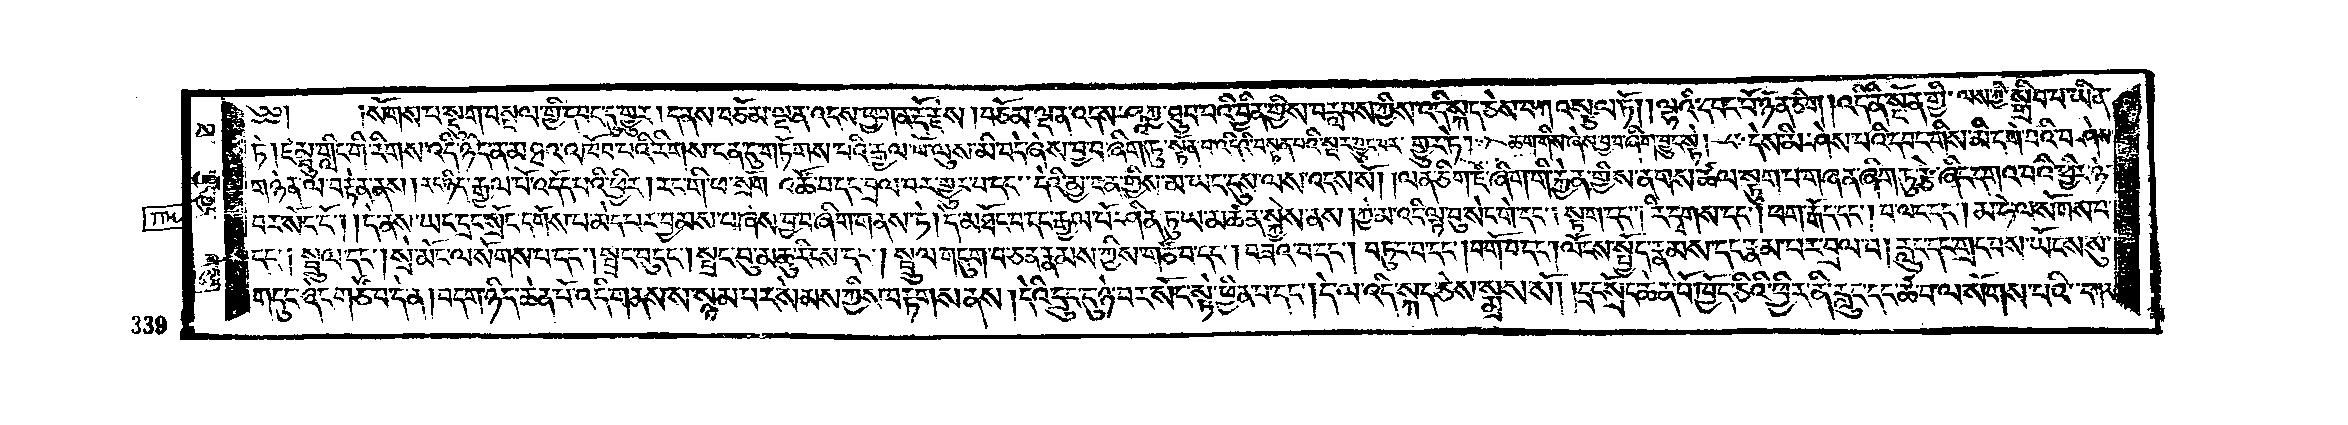༄༅། །སོགས་པ་སྡུག་བསྔལ་གྱི་དབང་དུ་གྱུར། ད་ནས་བཅོམ་ལྡན་འདས་ཕྱག་ན་རྡོ་རྗེས། བཅོམ་ལྡན་འདས་ཤཱཀྱ་ཐུབ་པའི་བྱིན་གྱིས་བརླབས་ཀྱིས་འདི་སྐད་ཅེས་བཀའ་སྩལ་ཏོ། །ལྷའི་དབང་པོ་ཉོན་ཅིག །འདི་ནི་སྔོན་གྱི་ལས་ཀྱི་སྒྲིད་པ་ཡིན་
ཏེ། ཛམྦུ་གླིང་གི་རིགས་འདི་ཉིད་ན་མཐའ་འཁོབ་པའི་རིགས་ངན་དུ་གཏོགས་པའི་རྒྱལ་པོ་ལུས་མི་བདེ་ཞེས་བྱ་བ་ཞིག་ཏུ་སྟོན་པ་འདིའི་བསྟན་པའི་སྔར་བྱུང་བར་གྱུར་ཏེ། H.ཆག་གིས་ཞེས་བྱ་བ་ཞིག་བྱུང་སྟེ། H.དེས་མི་ཤེས་པའི་དབང་གིས་མི་དགེ་བའི་བཤེས་
གཉེན་ལ་བརྟེན་ནས། རང་ཉིད་རྒྱལ་པོ་འདོད་པའི་ཕྱིར། རང་གི་ཕ་སྲོག་འཚོ་བ་དང་བྲལ་བར་གྱུར་པ་དང་དེའི་མྱ་ངན་གྱིས་མ་ཡང་དུས་ལས་འདས་སོ། །ལན་ཅིག་ཇི་ཞིག་གི་རྐྱེན་གྱིས་ནགས་ཚལ་སྟུག་པ་གཞན་ཞིག་ཏུ་རྩེ་ཞིང་དགའ་བའི་ཕྱིར་ཉེ་
བར་སོང་ངོ། །དེ་ནས་ཡང་དྲང་སྲོང་དགོས་པ་མེད་པར་བྱམས་པ་ཞེས་བྱ་བ་ཞིག་གནས་ཏེ། དེ་མཐོང་བ་དང་རྒྱལ་པོ་ཤིན་ཏུ་ཡ་མཚན་སྐྱེས་ནས། ཀྱེ་མ་འདི་ལྟ་བུ་སེང་གེ་དང་། སྟག་དང་། རི་དྭགས་དང་། ཕག་རྒོད་དང་། བ་ལང་དང་། མ་ཧེ་ལ་སོགས་པ་
དང་། སྦྲུལ་དང་། སྲེ་མོང་ལ་སོགས་པ་དང་། སྦྲང་བུ་དང་། སྦྲང་བུ་མཆུ་རིངས་དང་། སྦྲུལ་གདུག་པ་ཅན་རྣམས་ཀྱིས་གཙེ་བ་དང་། བཟའ་བ་དང་། བཏུང་བ་དང་། བགོ་བ་དང་། ལོངས་སྤྱོད་རྣམས་དང་རྣམ་པར་བྲལ་བ། རླུང་དང་གྲང་བས་ཡོངས་སུ་
གདུང་ཞེང་གཙེ་བ་དེ་ན། བདག་ཉིད་ཆེན་པོ་འདི་གནས་ས་སྙམ་པར་སེམས་ཀྱིས་བརྟགས་ནས། དེའི་དྲུང་དུ་ཉེ་བར་སོང་སྟེ་ཕྱིན་པ་དང་། དེ་ལ་འདི་སྐད་ཅེས་སྨྲས་སོ། །དྲང་སྲོང་ཆེན་པོ་ཁྱོད་ཅིའི་ཕྱིར་ནི་རླུང་དང་ཚ་བ་ལ་སོགས་པའི་དཀའ་